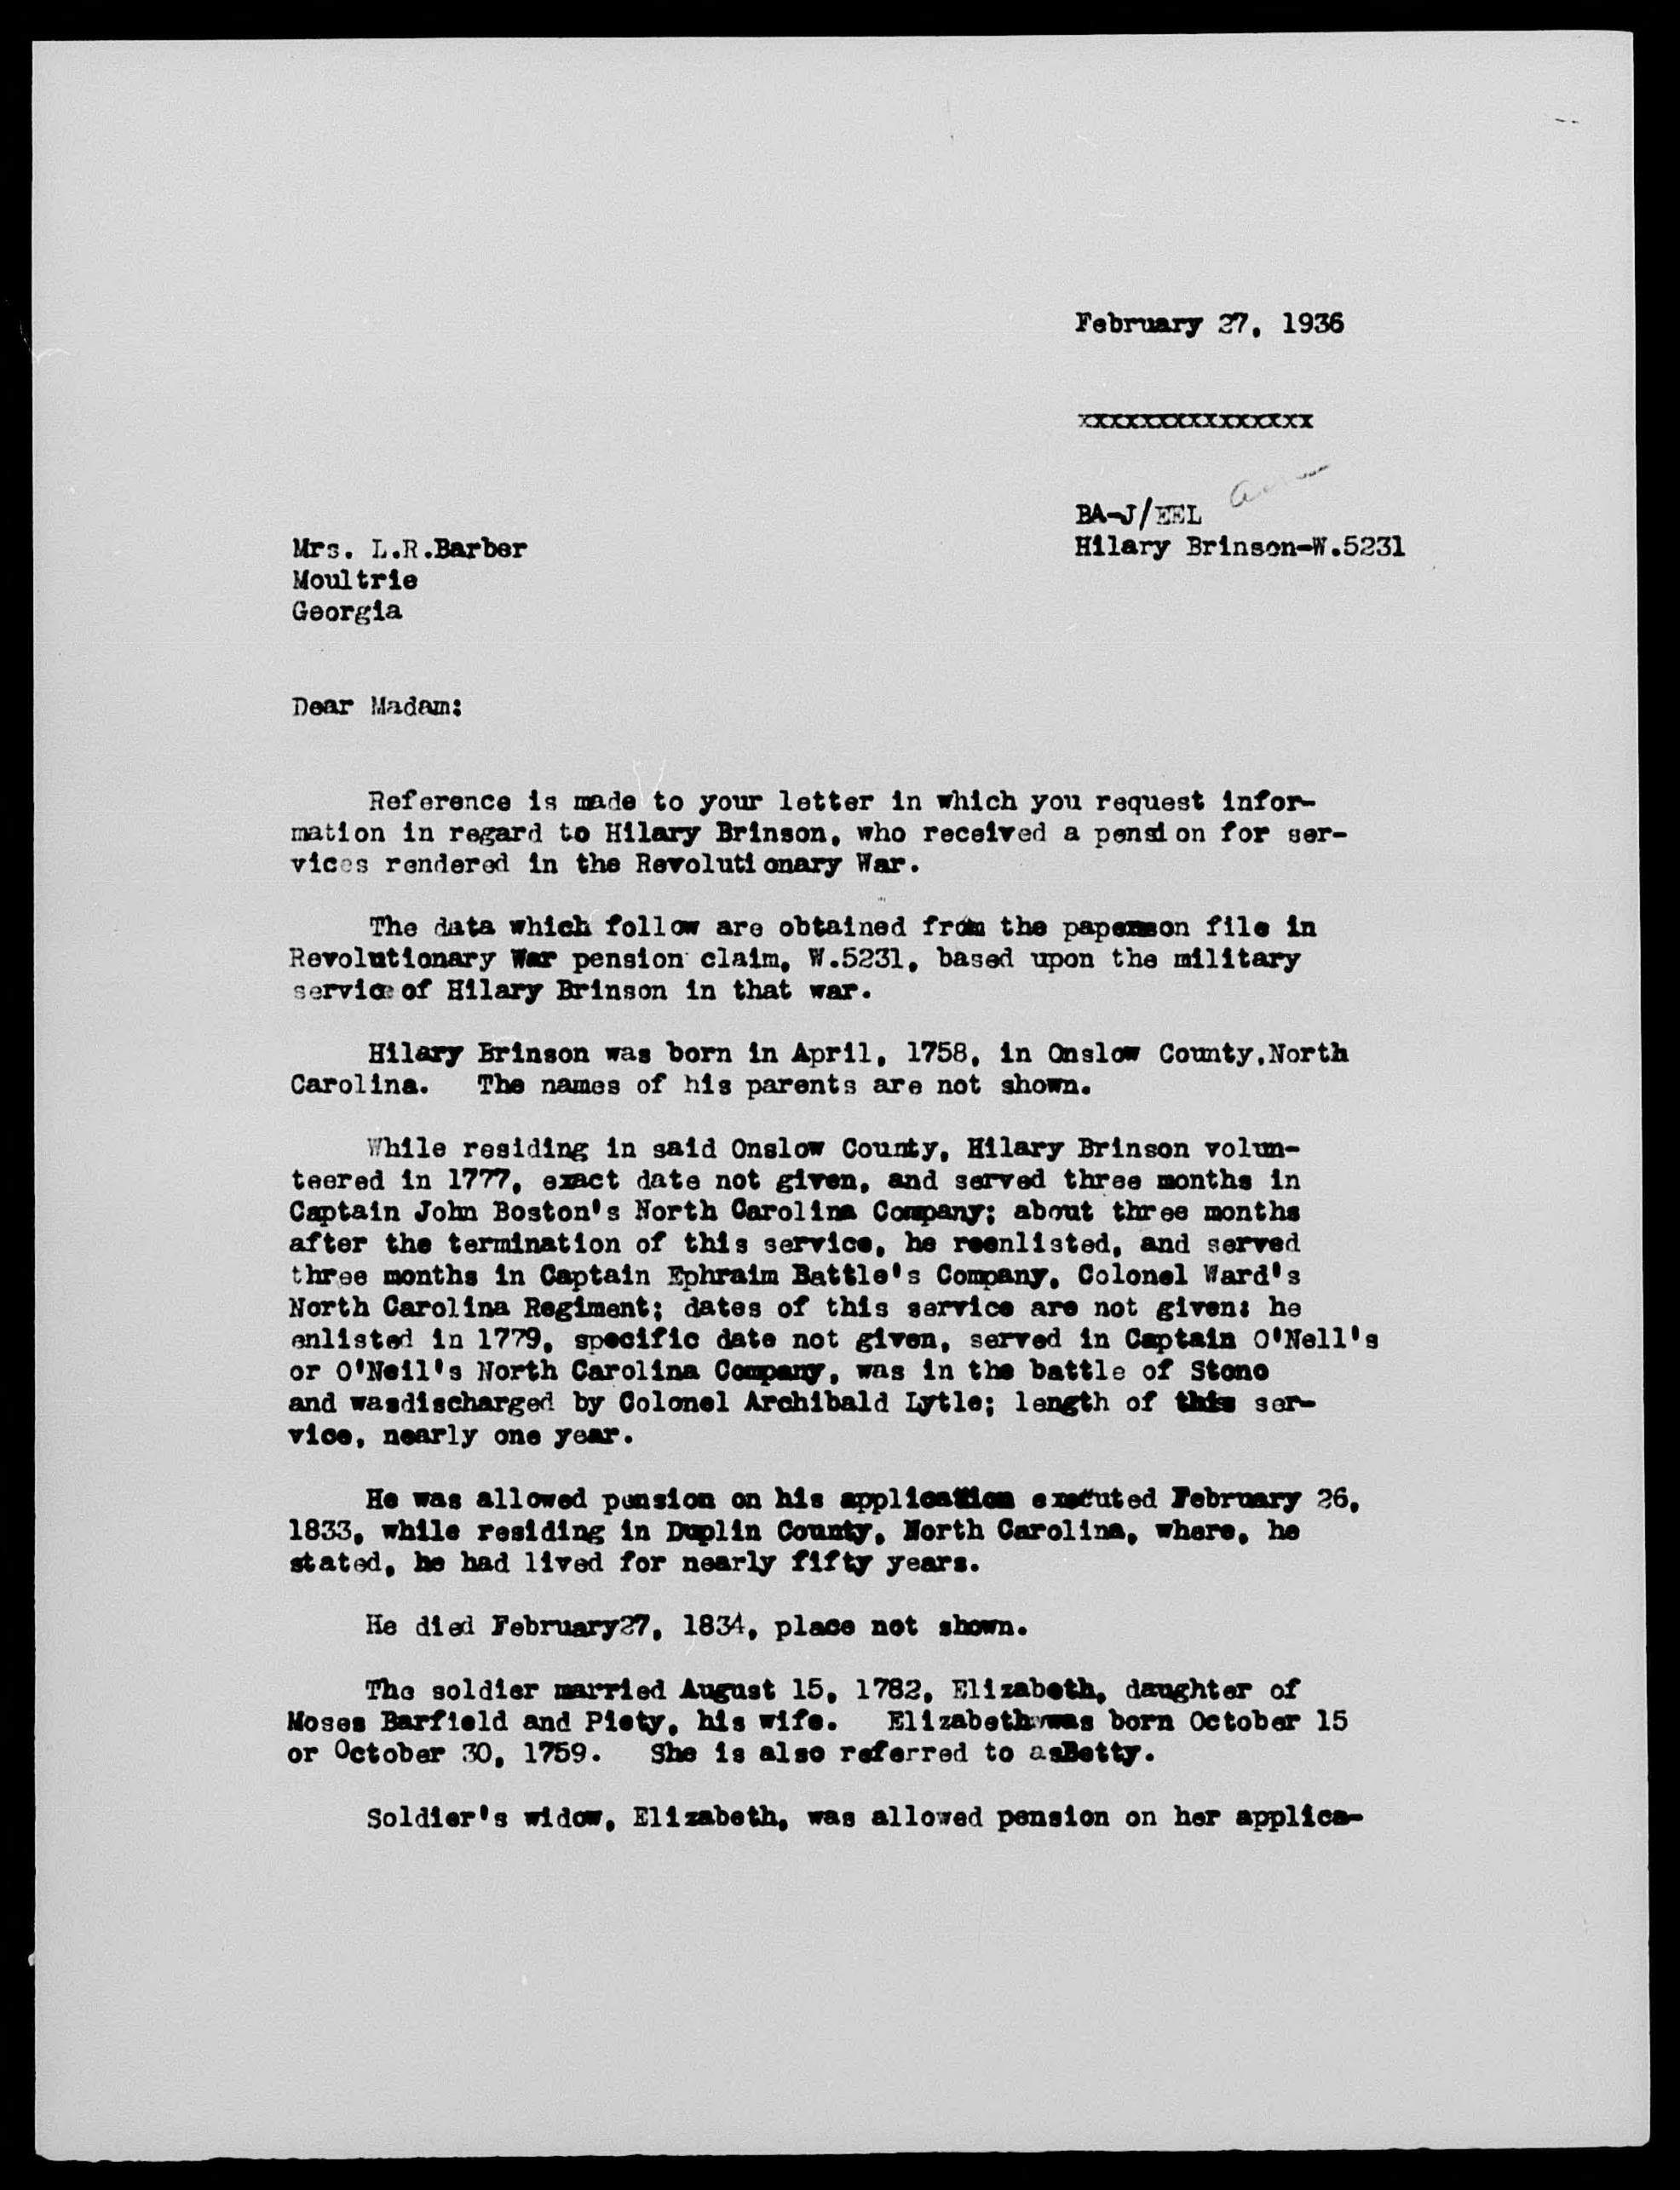February 27, 1936 

BA-J/EEL
Hilary Brinson-W.5231

Mrs. L.R. Barber
Moultrie
Georgia

Dear Madam:

Reference is made to your letter in which you request information in regard to Hilary Brinson, who received a pension for services rendered in the Revolutionary War.

The data which follow are obtained from the papers on file in Revolutionary War pension claim, W.5231, based upon the military service of Hilary Brinson in that war.

Hilary Brinson was born in April, 1758, in Onslow County, North Carolina. The names of his parents are not shown.

While residing in Onslow County, Hilary Brinson volunteered in 1777, exact date not given, and served three months in Captain John Boston's North Carolina Company; about three months after the termination of this service, he reenlisted, and served three months in Captain Ephraim Battle's Company, Colonel Ward's North Carolina Regiment; dates of this service are not given: he enlisted in 1779, specific date not given, served in captain O'Nell's or O'Neil's North Carolina Company, was in the battle of Stono and was discharged by Colonel Archibald Lytle; length of this service, nearly one year.

He was allowed pension on his application executed February 26, 1833, while residing in Duplin County, North Carolina, where, he stated, he had lived for nearly fifty years.

He died February 27, 1834, place not shown.

The soldier married August 15, 1782, Elizabeth, daughter of Moses Barfield and Piety, his wife. Elizabeth was born October 15 or October 30, 1759. She is also referred to as Betty.

Soldier's widow, Elizabeth, was allowed pension on her applica-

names: Hilary Brinson, Piety, Moses Barfield, Archibald Lytle, L R Barber, Elizabeth, Betty, Elizabeth, Elizabeth, Hilary Brinson, Hilary Brinson, Hilary Brinson, Hilary Brinson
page: 14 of 38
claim: widow's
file: W. 5231, Hilary Brinson, N.C.